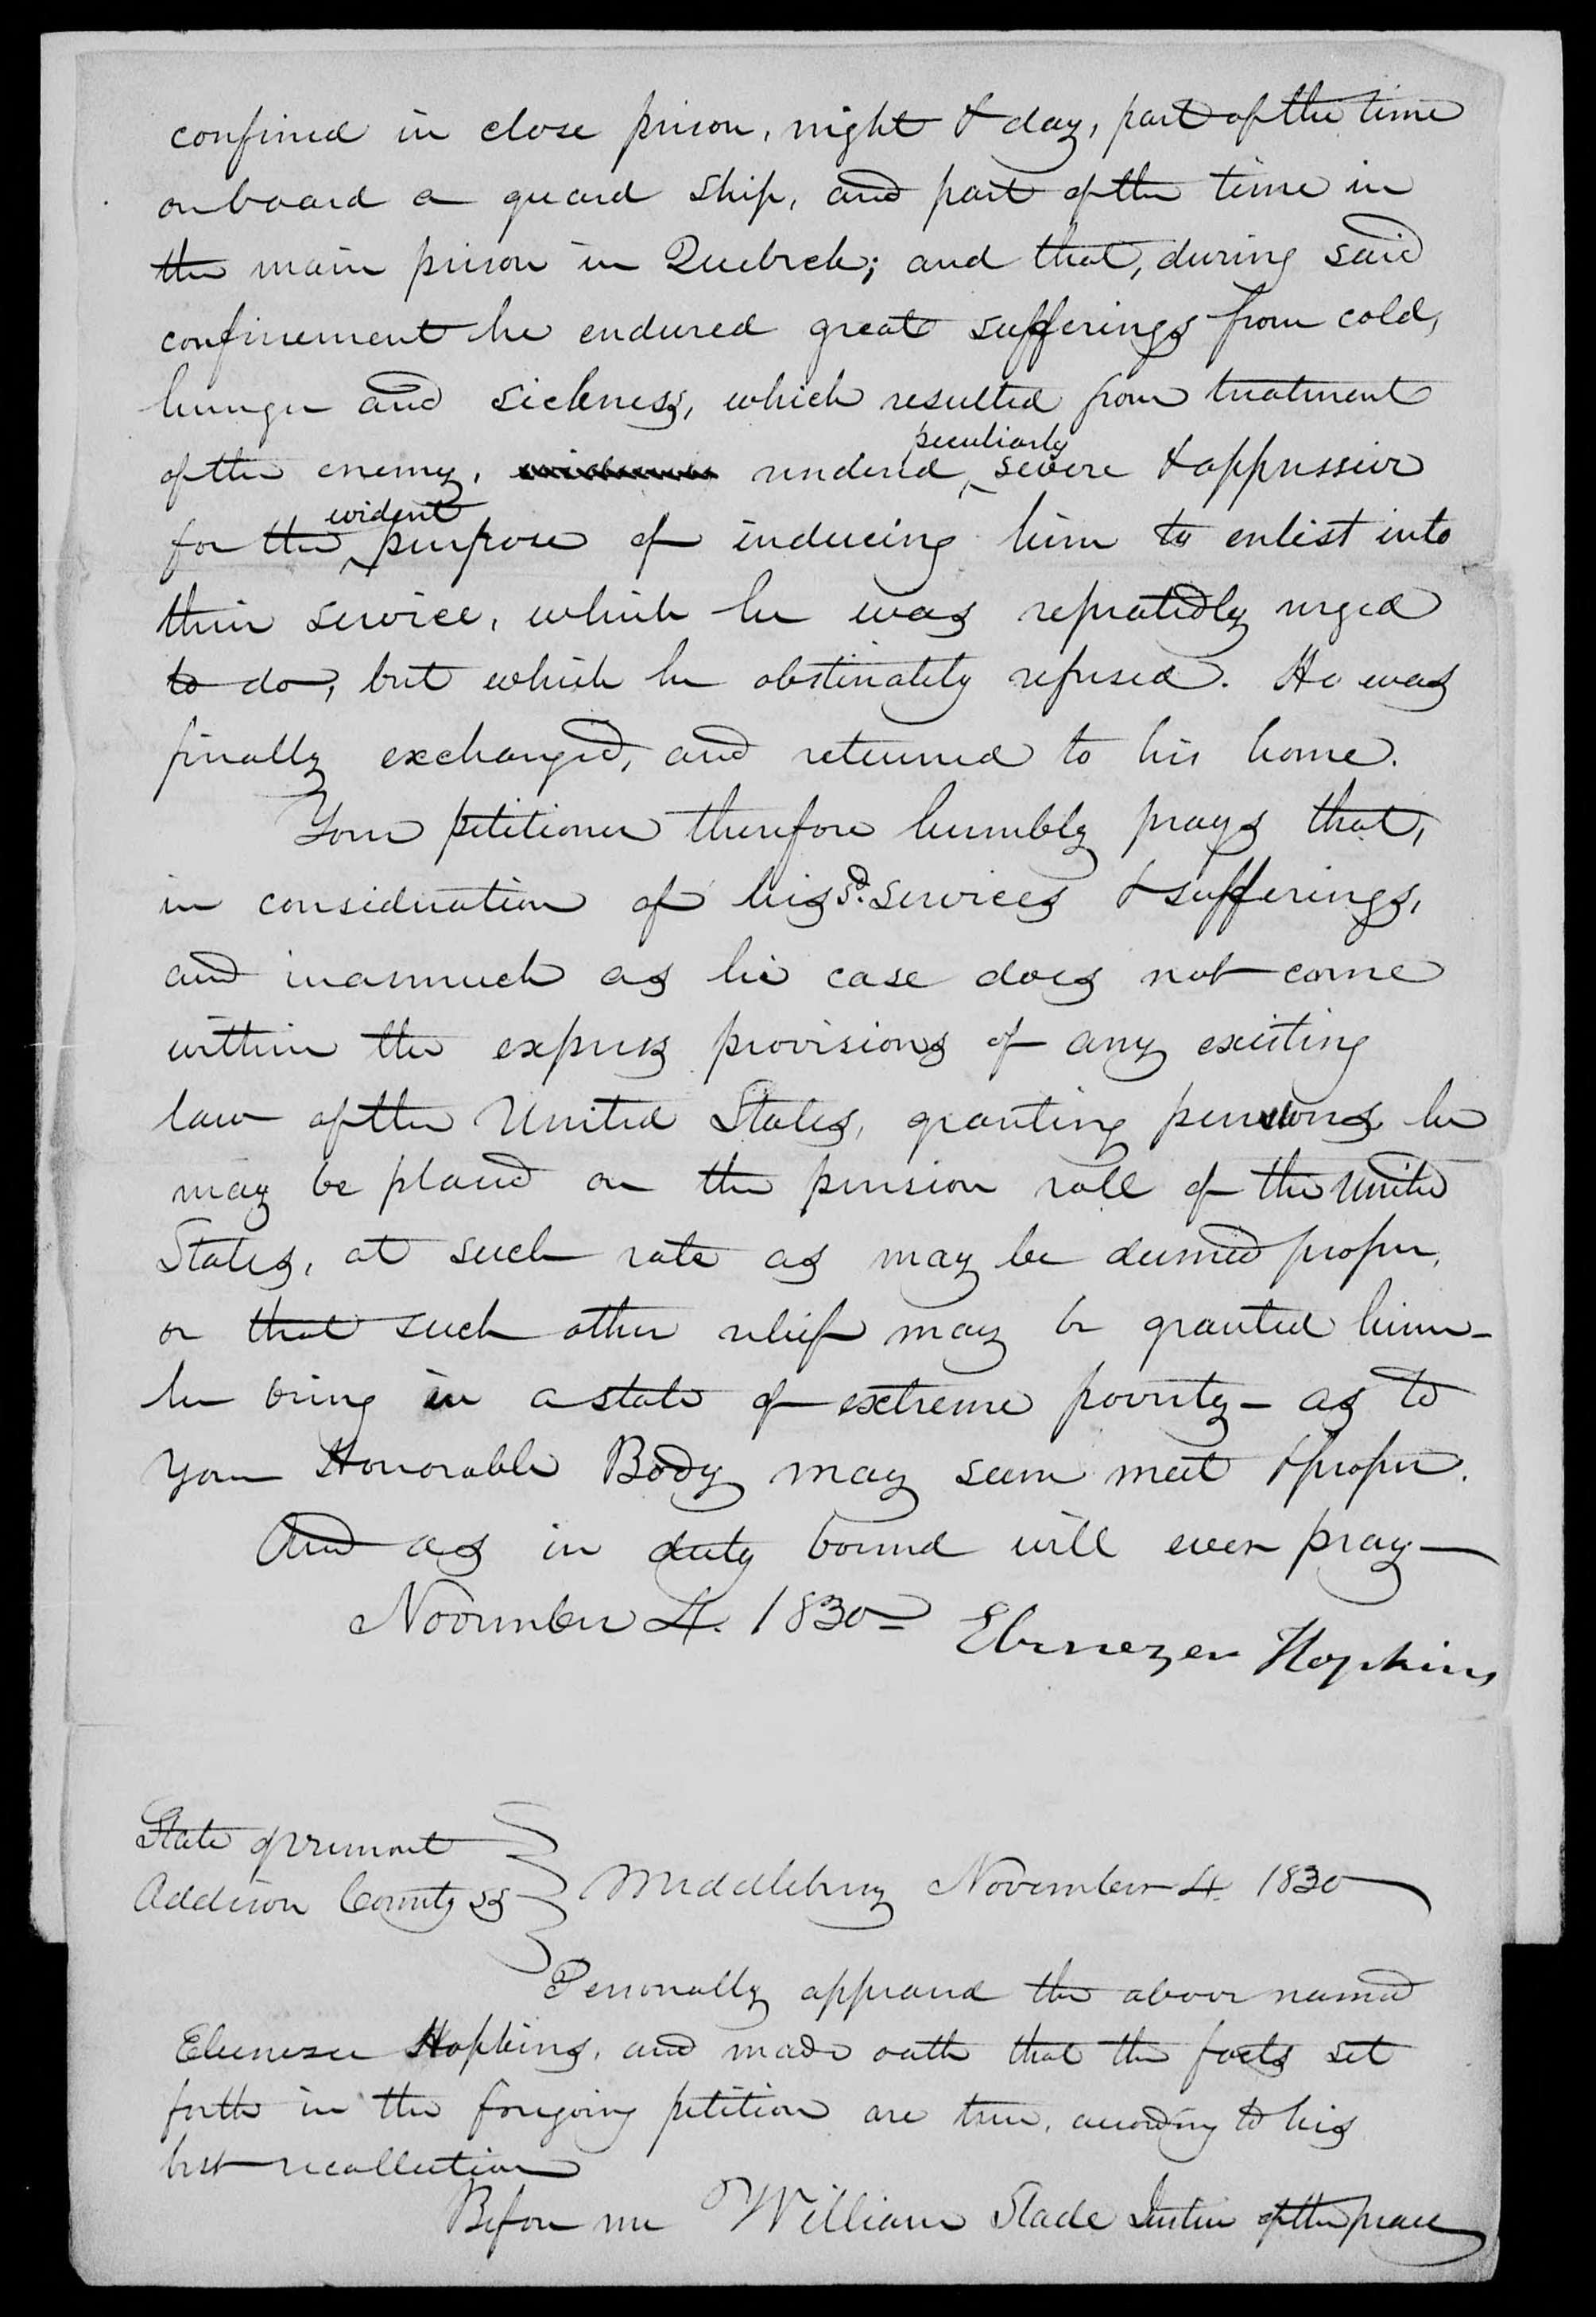confined in close prison, night & day, part of the time on board a guard ship, and part of the time in the main prison in Quebeck; and that, during said
confinement he endured great sufferings from cold, hunger and sickness, which resulted from treatment of the enemy, rendered particularly severe & appussion
for the evident purpose of inducing him to enlist into their service, which he was repeatedly urged to do, but which he obstinately refused. He was finally exchanged, and returned to his home.

Your petitioner therefore humbly prays that, in consideration of his sd services & sufferings, and inasmuch as he case does not come within the express provisions of any existing law of the United States, granting pensions, he may be placed on the pension roll of the United States, at such rate as may be deemed proper or that such other relief may be granted him he being in a state of extreme poverty-- as to your Honorable Body may seem meet & proper
and as in duty bound will ever pray-
November 1830_
Ebenezer Hopkins

State of Vermont}
Addison County} SS  Middlebury November 4, 1830

Personally appeared the above named Ebenezer Hopkins, and made oath that the facts set forth in the foregoing petition are true, according to his best recollection
Before me William Slade Justice of the peace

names: Body May, Ebenezer Hopkins, William Slade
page: 126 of 144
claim: rejected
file: R. 5208, Dennis Hopkins, N.C.